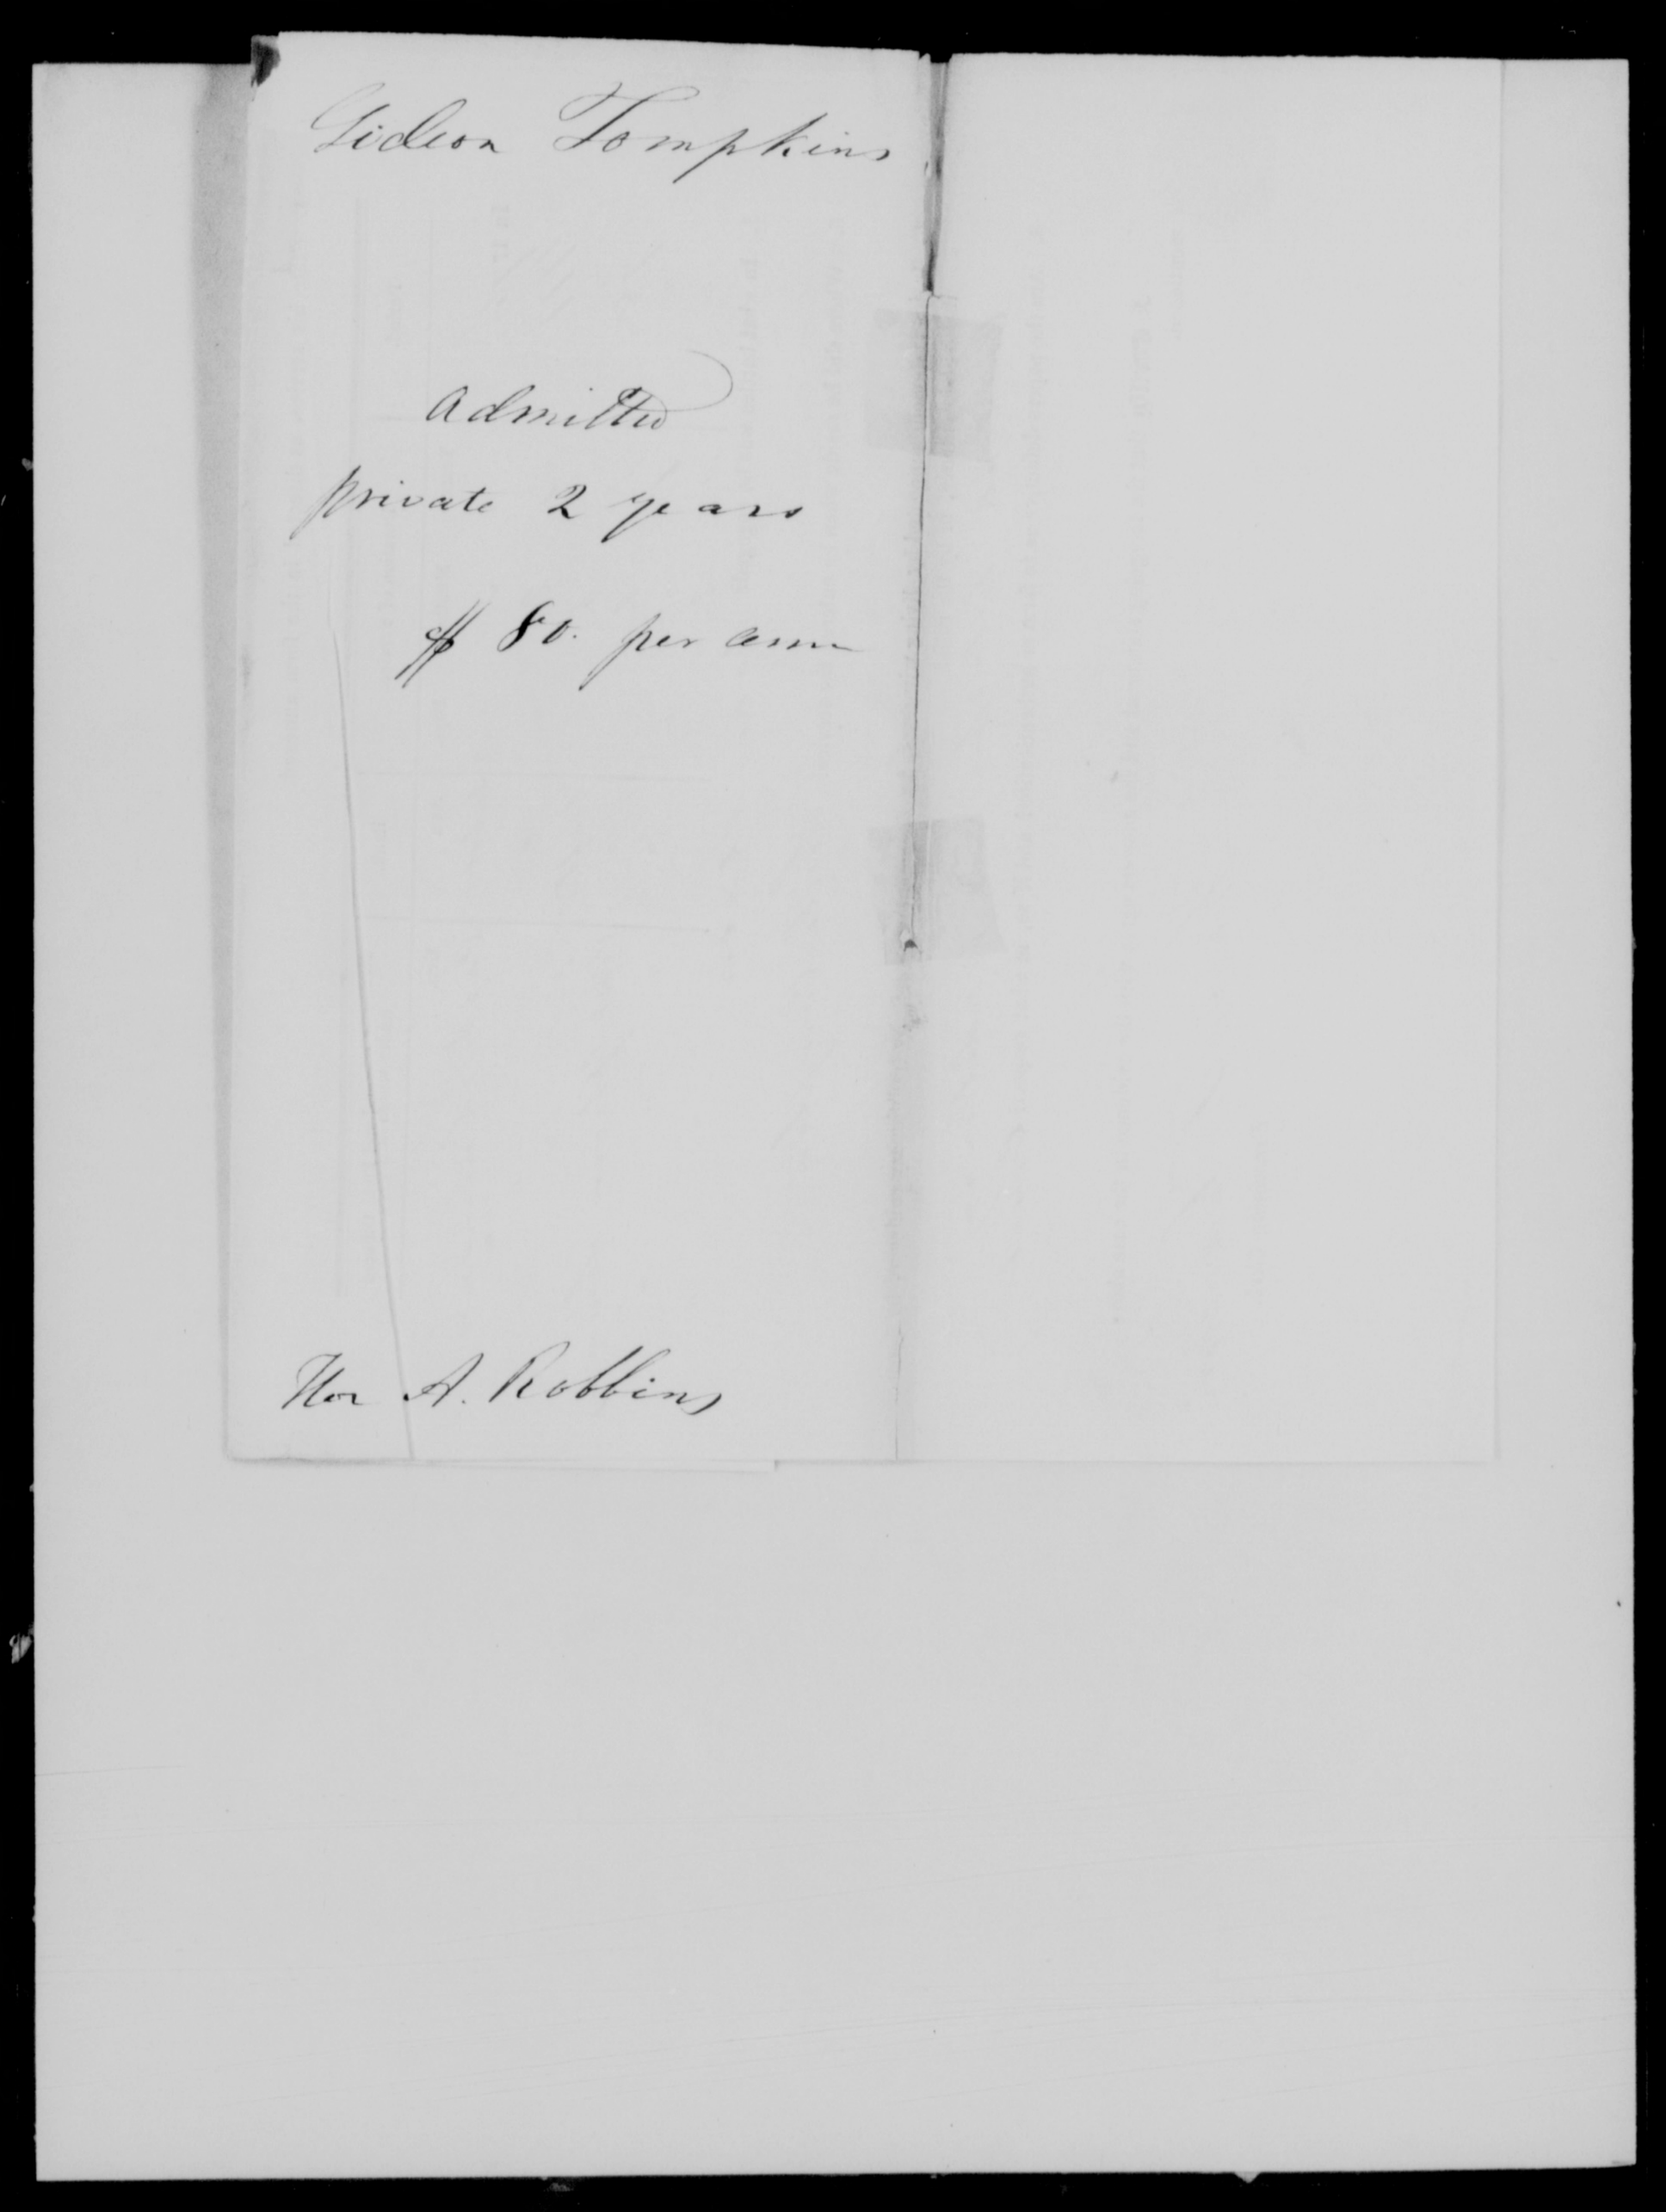Gideon Tompkins


Admitted
private 2 years
80 per ann

Hon A. Robbins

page: 3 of 25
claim: survivor's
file: S. 22,023, for Gideon Tompkins, Rhode Island